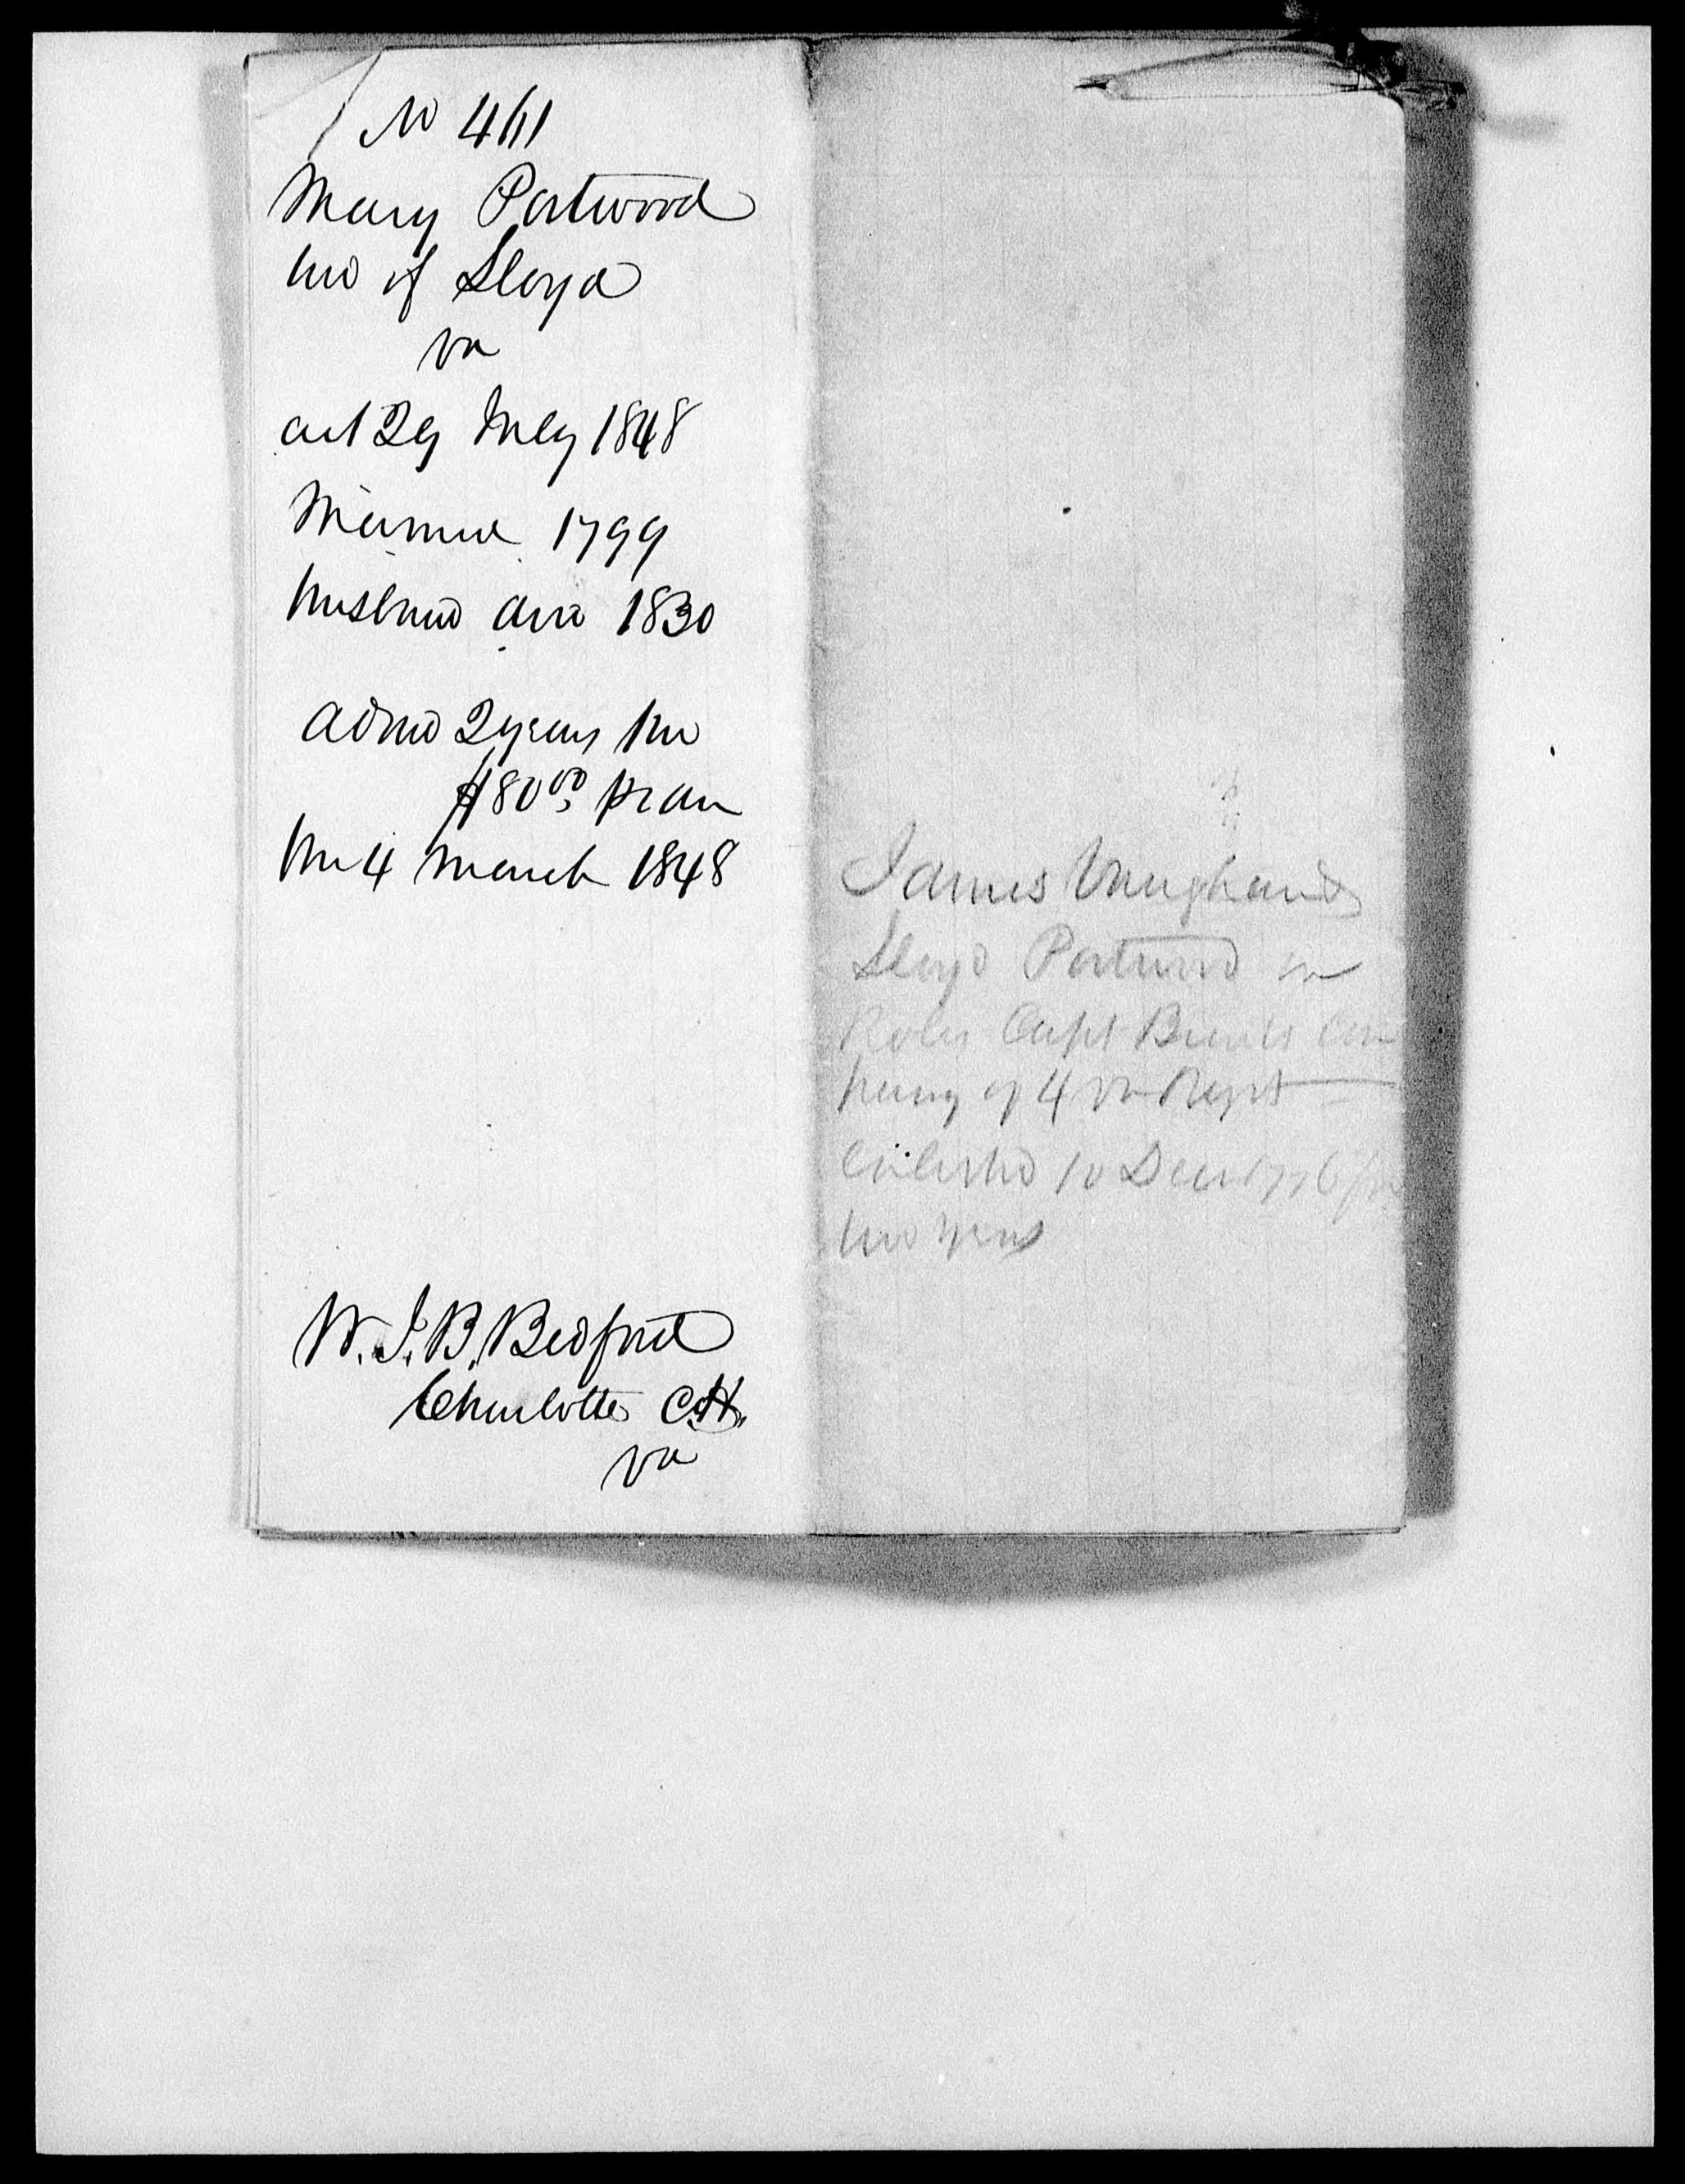[Left column]
No 461
Mary Portwood
wd of Lloyd
Va
act 29 July 1848
Married 1799
husband died 1830
Admd 2 years per
$80.00 pr an
[?] 4 March 1848
W. J. B. Bedford
Charlotte CH
Va
[Right column]
James Vaughan
Lloyd Portwood in
Rolls Capt Brents company
of 4 Va Rgmt
enlisted 10 Dec 1776 for
two years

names: W J B Bedford; Lloyd Portwood; James Vaughan; Mary Portwood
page: 41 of 50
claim: widow's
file: W. 1929, for Lloyd Portwood, Virginia